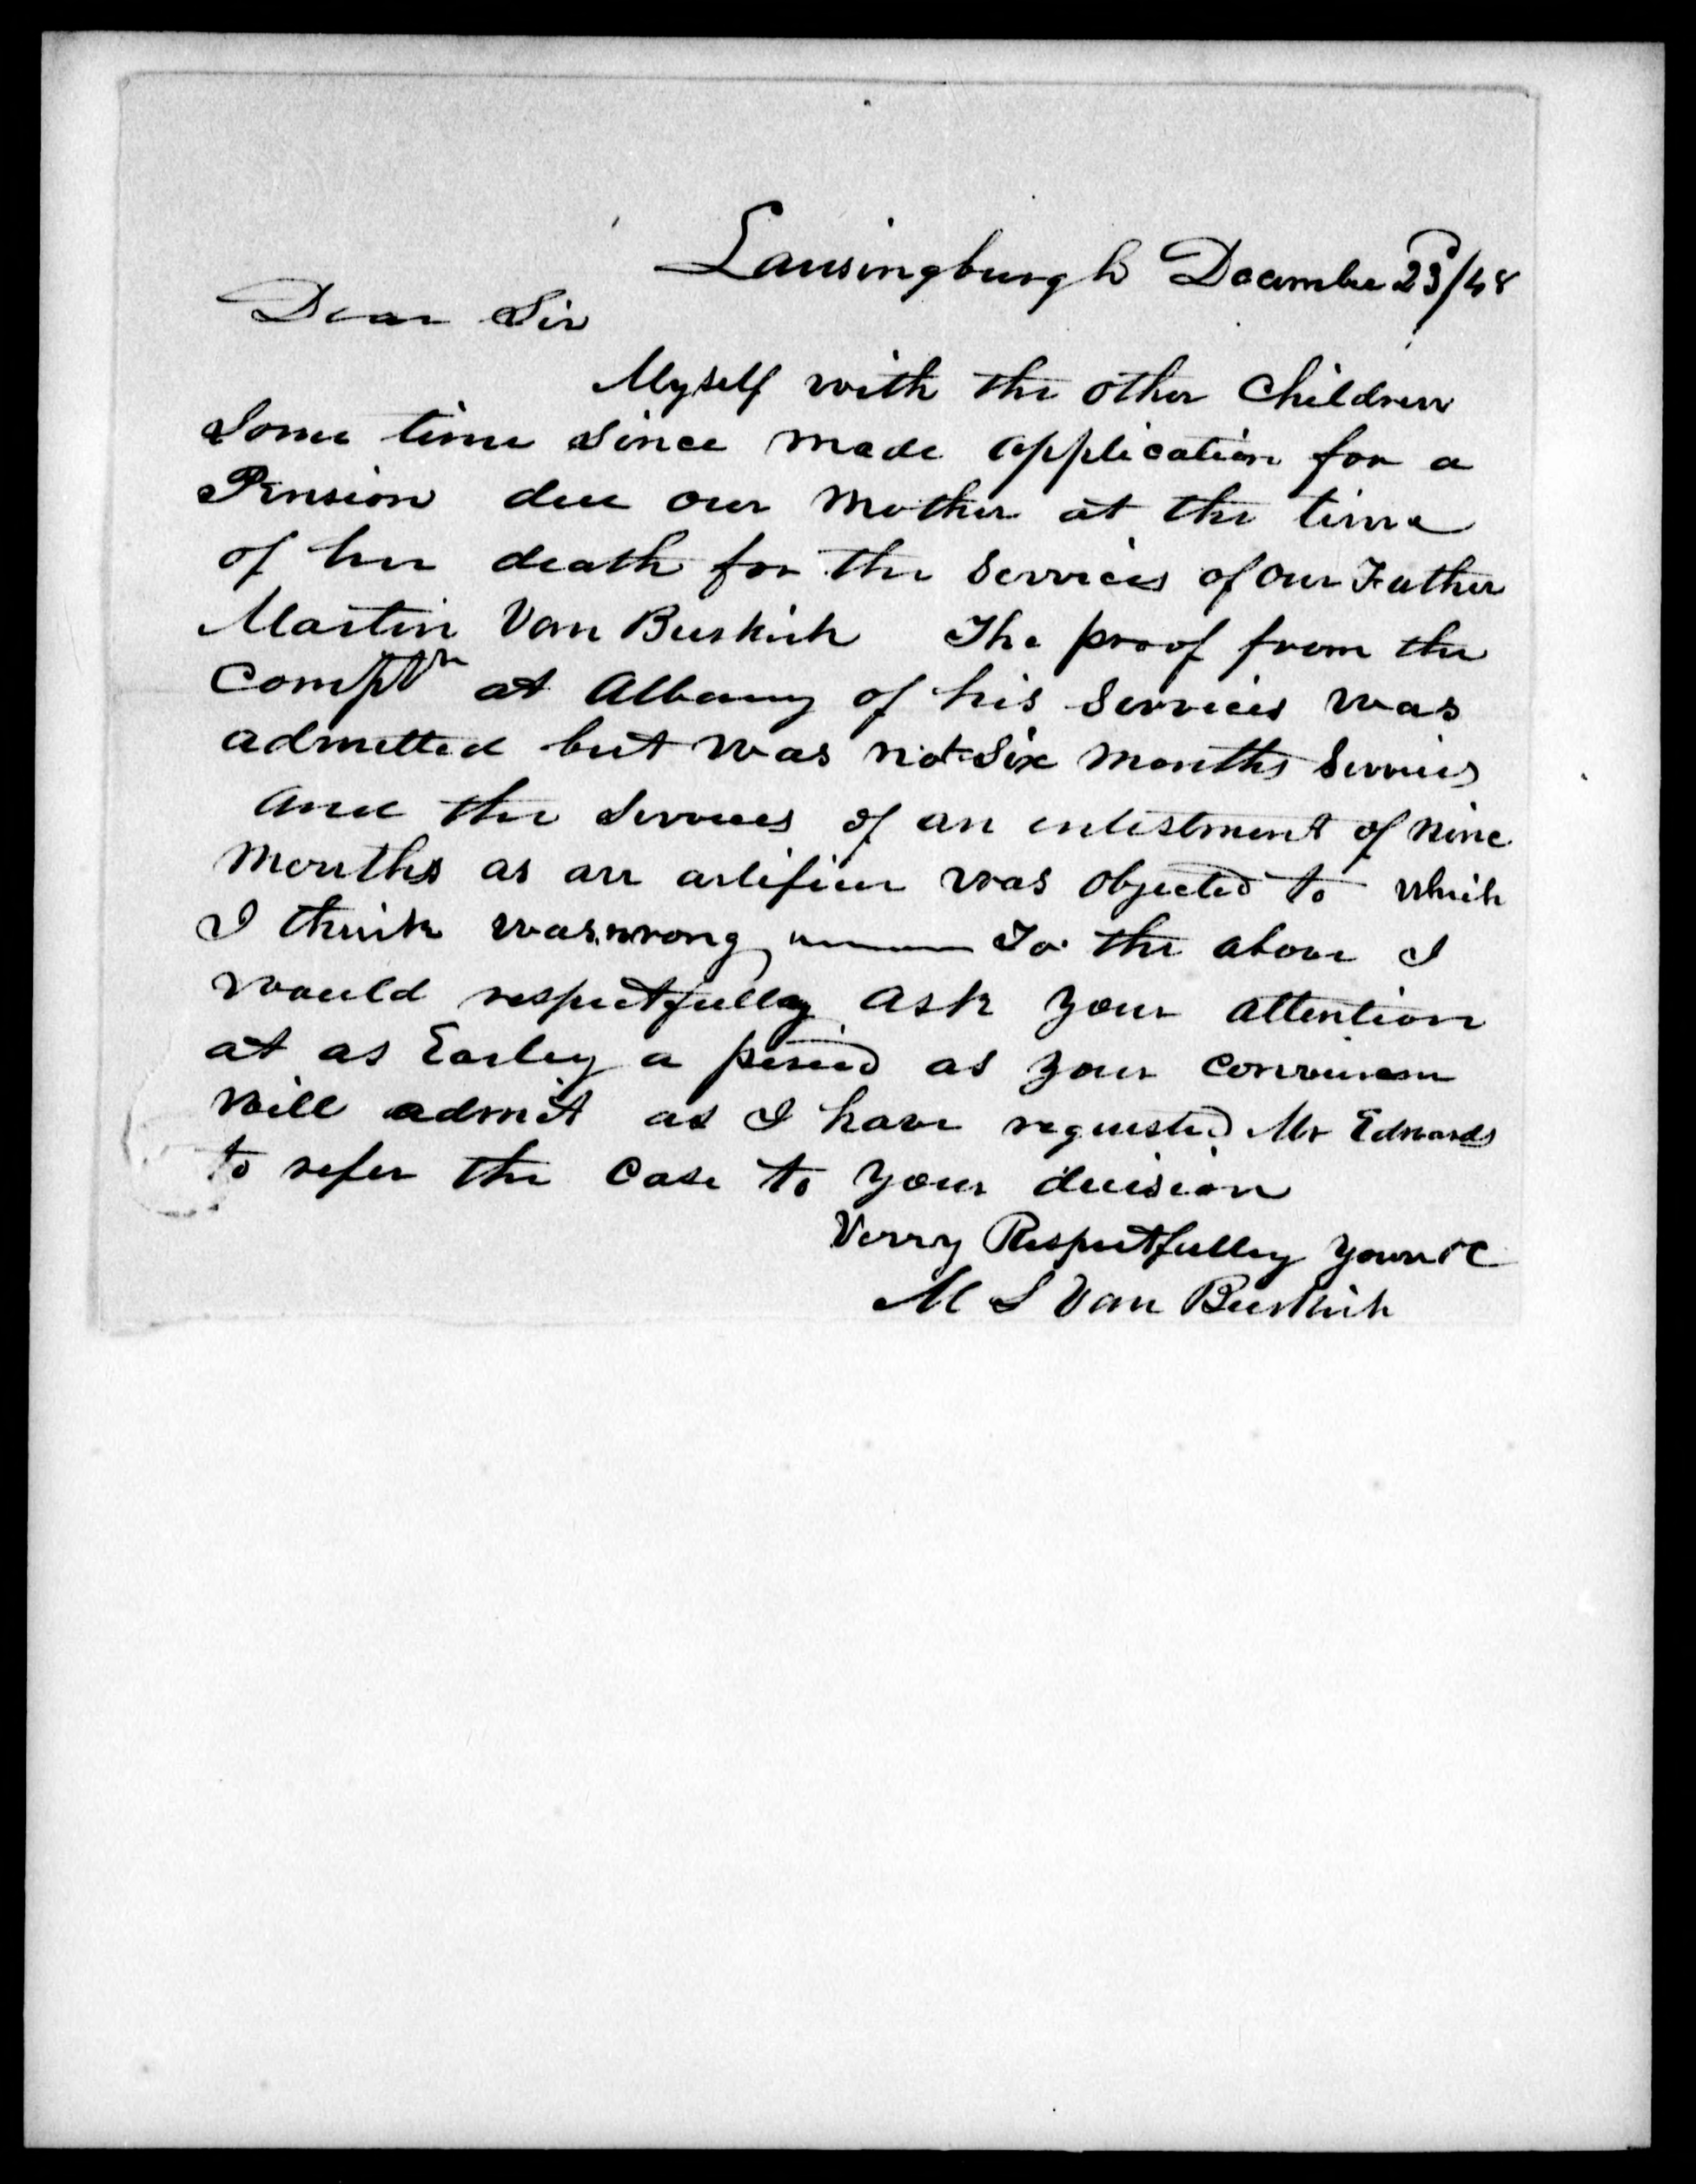Lansingburgh December 23d/48

Dear Sir
Myself with the other children some time since made application for a Pension due our mother at the time of her death for the services of our Father Martin Van Buskirk  The proof from the Compt [Comptroller] at Albany of his services was admitted but was not six months services and the services of an enlistment of nine months as an artificer was objected to which I think was wrong - to the above I would respectfully ask your attention at as early a period as your convenience will admit as I have requested Mr Edwards to refer the case to your decision

Verry Respectfully yours
M S Van Buskirk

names: Martin Van Buskirk, M S Van Buskirk, Edwards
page: 56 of 70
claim: rejected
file: R. 10,832, Martin Van Buskirk, New York.